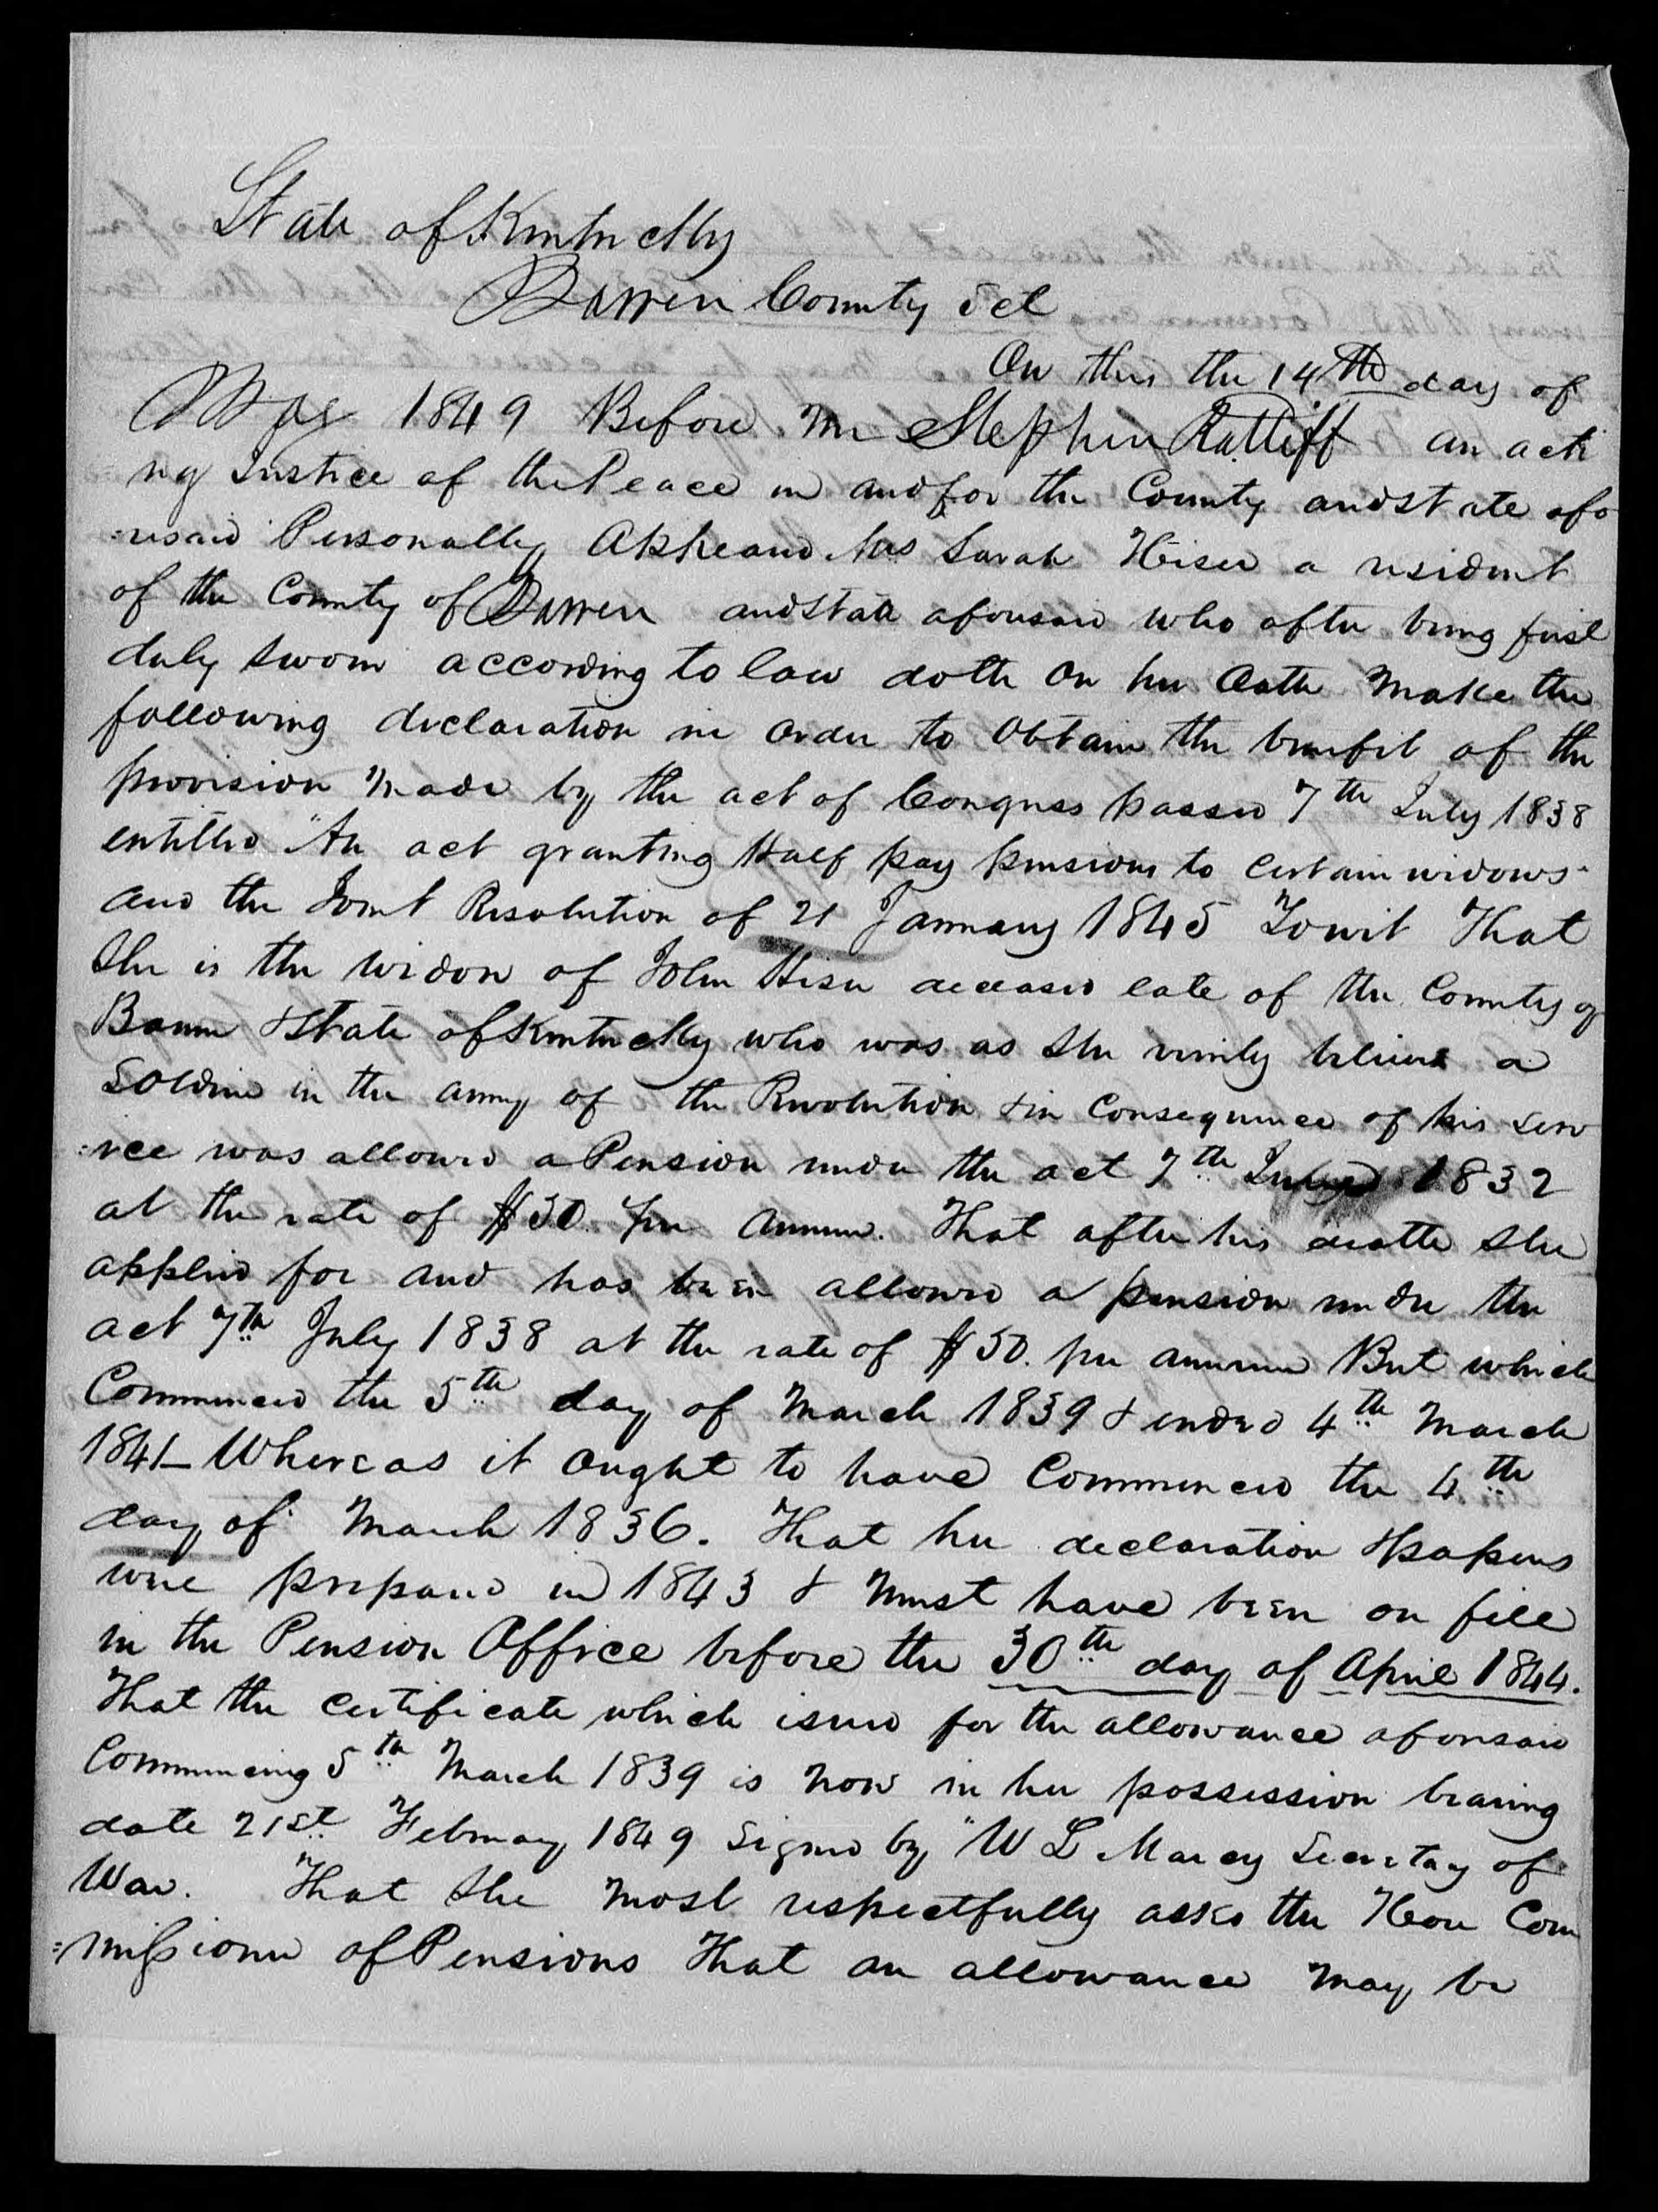State of Kentucky
Barren County Set

On this the 14th ay of May 1849 before Mr. Stephen Ratliff an acting Justice of the Peace in and for the County and state of aforesaid Personally appeared has Sarah Hiser a resident of the County of Barren and state aforesaid who after being first duly sworn according to law doth on her oath make thee following declaration in order to obtain the benefit of the provision made by the at of Congress passed 7th July 1838 entitled "An act granting half pay pensions to certain widows".  and the Govt Resolution of 21 January 1845 to wit that she is the widow of John Hiser deceased late of Mt Comty of Bamm State of Kentucky, who was as she verily believed a soldier in the Army of the Revolution in consequence of his service was allowed a Pension was allowed a Pension under the act 7th congress 1832 at the rate of $50 per annum But which commenced the 5th day of March 1839 and ended 4th March 1841-Whereas it ought to have commenced the 4th day of March 1836. That her declaration  appears in the Pension Office before the 30th day of April 1844. That the certificate which issued for the allowance aforesaid commencing 5th March 1839 is now in her possession having date 21st February  1849 signed by W L Mary Secretary of War.  That she most respectfully asks the War Commission  of Pension that an allowance may be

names: Sarah Hiser, Stephen Ratliff, John Hiser, W L Marcy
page: 49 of 58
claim: widow's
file: W. 8932, John Hiser, Penn.